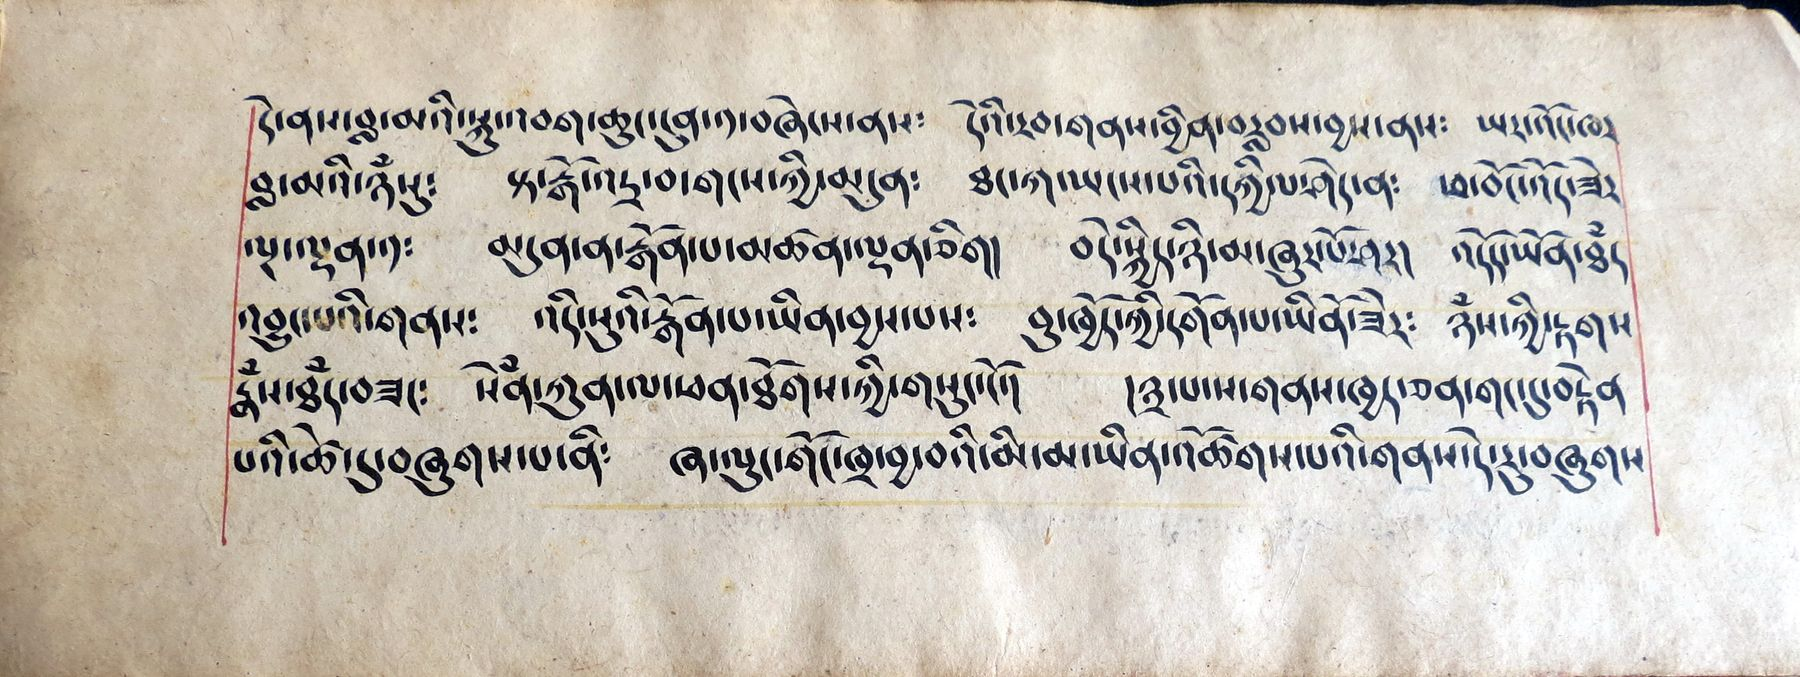དེ་ནས་བླ་མའི་སྐུ་འབག་ཆུང་ངུན་ཞིག་བཞེངས་ནས། དེའི་རབ་གནས་བྱིན་རླབས་བྱས་ནས་ཡར་འོང་ཁར་
བླ་མའི་ཉམས་སུ། རྟ་སྒོ་འདྲ་བ་གངས་ཀྱི་མདུན། ཐང་ཀ་ཡངས་པའི་དཀྱིལ་ཤེད་ན། ཕ་བོང་འོད་ཟེར་
ལྔ་ལྡན་ཅིག མདུན་ན་དགོན་པ་མཚན་ལྡན་ཞིག བདེ་སྐྱིད་ཉི་མ་ཞུར་པོར་ཤར། འདོད་པ་ཐམས་ཅད་
འབྱུང་བའི་གནས། འདི་སུའི་དགོན་པ་ཡིན་བྱས་པས། བུ་ཁྱོད་ཀྱི་དགོན་པ་ཡིན་ནོ་ཟེར། ཉམས་ཀྱི་རྟགས་
རྣམས་ཐམས་ཅད་བཟང་། སེམས་ཅན་ཀུན་ལ་ཕན་ཐོགས་ཀྱི་གསུངས་སོ། །གསུམ་པ་ས་གནས་ཁྱད་པར་ཅན་གང་དུ་བརྟེན་
པའི་ཚེ་དུ་བཞུགས་པ་ནི། ཞ་ལུང་གོང་ཁྲ་བྱ་བའི་མི་མ་ཡིན་འཚོགས་པའི་གནས་དེ་རུ་བཞུགས་